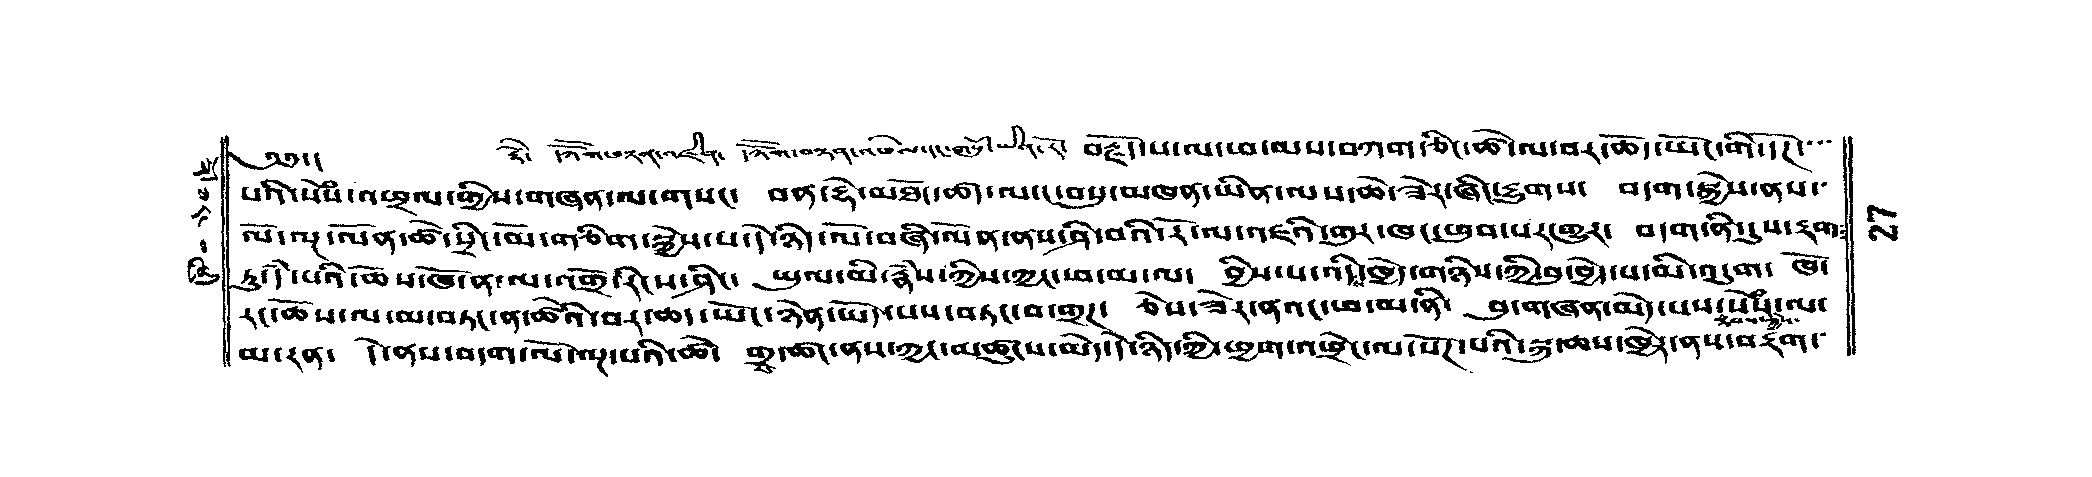རྡོ་རྗེ། དཀོན་མཆོག་བསྟན་འཛིན། དཀོན་མཆོག་བསྟན་འཕེལ་དང་གསུམ་ཡིན་ནོ། མཆན། བརྗོད་པ་ལ་ཕ་མས་བཀག་ཅིང་ཚེ་ལ་བར་ཆད་ཡོང་གི་དོགས་
པའི་སེམས་འཕྲལ་གྱིས་གཞན་ལ་གསང་། བན་དེ་མཐོང་ཚད་ལ་ང་བསུ་མཁན་ཡིན་ལས་ཆེ་ཟེར་ཞིང་རྒྱུགས། བདག་སྐྱེས་ནས་
ལོ་ལྔ་ལོན་ཚེ་སྲིང་མོ་གཅིག་སྐྱེས་པ་དེ་ཉིད་ལོ་བཞི་ལོན་ནས་ཤི་བའི་རོ་ལ་འཇའི་གུར་ཁང་ཕུབ་པར་གྱུར། བདག་ནི་དུས་རྟག་
ཏུ་དམ་པའི་ཆོས་ཁོ་ན་ལ་འགྲོ་རེངས་ཤིང་། ཡུལ་མི་རྣམས་ཀྱིས་ཀྱང་ཕ་མ་ལ། བྱིས་པ་འདིས་ཁྱོད་གཉིས་ཀྱི་བུ་བྱེད་པ་མི་འདུག ཁོ་
་ཆོས་ལ་མ་བཏང་ན་ཚེའི་བར་ཆད་ཡོང་ཉེན་ཡོད་པས་བཏང་བ་དྲགཅེས་ཟེར་ནའང་ཕ་མ་ནི། བུ་གཞན་མེད་པའི་སྟབས་ཀྱིས་སེམས་ལ་
མ་རངས། དེ་ནས་བདག་ལོ་ལྔ་པའི་ཚེ། གྲྭ་ཚང་ནས་ཀྱང་མཚུངས་མེད་དེ་ཉིད་ཀྱི་ཕྱག་འཕྲེང་ལ་སོགས་པའི་སྐུ་ཆས་ཁྱེར་ནས་བརྟག་